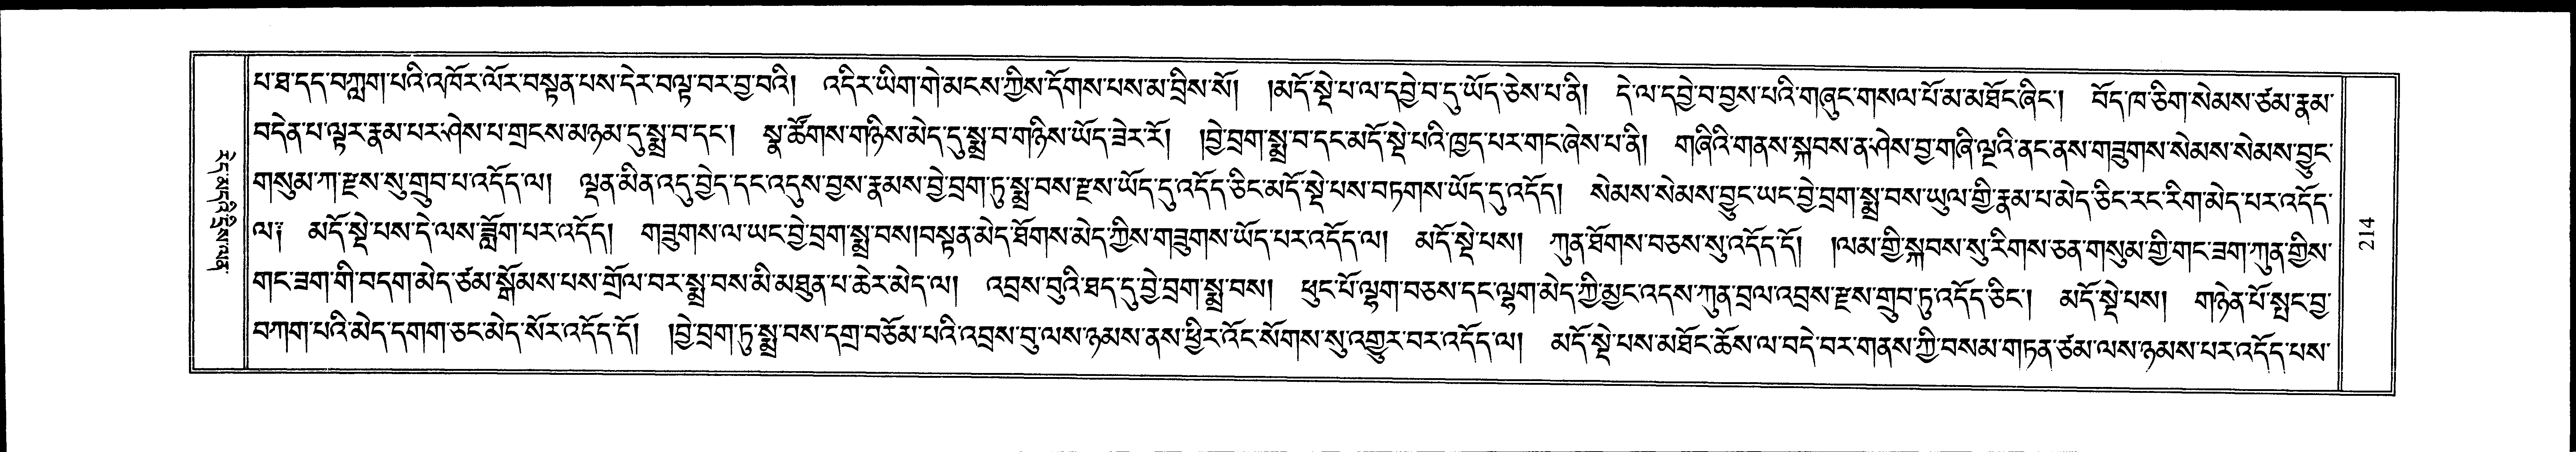པ་ཐ་དད་བཀླག་པའི་འཁོར་ལོར་བསྟན་པས་དེར་བལྟ་བར་བྱ་བའི། འདིར་ཡིག་གེ་མངས་ཀྱིས་དོགས་པས་མ་བྲིས་སོ། །མདོ་སྡེ་པ་ལ་དབྱེ་བ་དུ་ཡོད་ཅེས་པ་ནི། དེ་ལ་དབྱེ་བ་བྱས་པའི་གཞུང་གསལ་པོ་མ་མཐོང་ཞིང་། བོད་ཁ་ཅིག་སེམས་ཙམ་རྣམ་
བདེན་པ་ལྟར་རྣམ་པར་ཤེས་པ་གྲངས་མཉམ་དུ་སྨྲ་བ་དང་། སྣ་ཚོགས་གཉིས་མེད་དུ་སྨྲ་བ་གཉིས་ཡོད་ཟེར་རོ། །བྱེ་བྲག་སྨྲ་བ་དང་མདོ་སྡེ་པའི་ཁྱད་པར་གང་ཞེས་པ་ནི། གཞིའི་གནས་སྐབས་ན་ཤེས་བྱ་གཞི་ལྔའི་ནང་ནས་གཟུགས་སེམས་སེམས་བྱུང་
གསུམ་ཀ་རྫས་སུ་གྲུབ་པ་འདོད་ལ། ལྡན་མིན་འདུ་བྱེད་དང་འདུས་བྱས་རྣམས་བྱེ་བྲག་ཏུ་སྨྲ་བས་རྫས་ཡོད་དུ་འདོད་ཅིང་མདོ་སྡེ་པས་བཏགས་ཡོད་དུ་འདོད། སེམས་སེམས་བྱུང་ཡང་བྱེ་བྲག་སྨྲ་བས་ཡུལ་གྱི་རྣམ་པ་མེད་ཅིང་རང་རིག་མེད་པར་འདོད་
ལ། མདོ་སྡེ་པས་དེ་ལས་ཟློག་པར་འདོད། གཟུགས་ལ་ཡང་བྱེ་བྲག་སྨྲ་བས། བསྟན་མེད་ཐོགས་མེད་ཀྱིས་གཟུགས་ཡོད་པར་འདོད་ལ། མདོ་སྡེ་པས། ཀུན་ཐོགས་བཅས་སུ་འདོད་དོ། །ལམ་གྱི་སྐབས་སུ་རིགས་ཅན་གསུམ་གྱི་གང་ཟག་ཀུན་གྱིས་
གང་ཟག་གི་བདག་མེད་ཙམ་སྒོམས་པས་གྲོལ་བར་སྨྲ་བས་མི་མཐུན་པ་ཆེར་མེད་ལ། འབྲས་བུའི་ཐད་དུ་བྱེ་བྲག་སྨྲ་བས། ཕུང་པོ་ལྷག་བཅས་དང་ལྷག་མེད་ཀྱི་མྱང་འདས་ཀུན་བྲལ་འབྲས་རྫས་གྲུབ་ཏུ་འདོད་ཅིང་། མདོ་སྡེ་པས། གཉེན་པོ་སྤང་བྱ་
བཀག་པའི་མེད་དགག་ཅང་མེད་སོར་འདོད་དོ། །བྱེ་བྲག་ཏུ་སྨྲ་བས་དགྲ་བཅོམ་པའི་འབྲས་བུ་ལས་ཉམས་ནས་ཕྱིར་འོང་སོགས་སུ་འགྱུར་བར་འདོད་ལ། མདོ་སྡེ་པས་མཐོང་ཆོས་ལ་བདེ་བར་གནས་ཀྱི་བསམ་གཏན་ཙམ་ལས་ཉམས་པར་འདོད་པས་